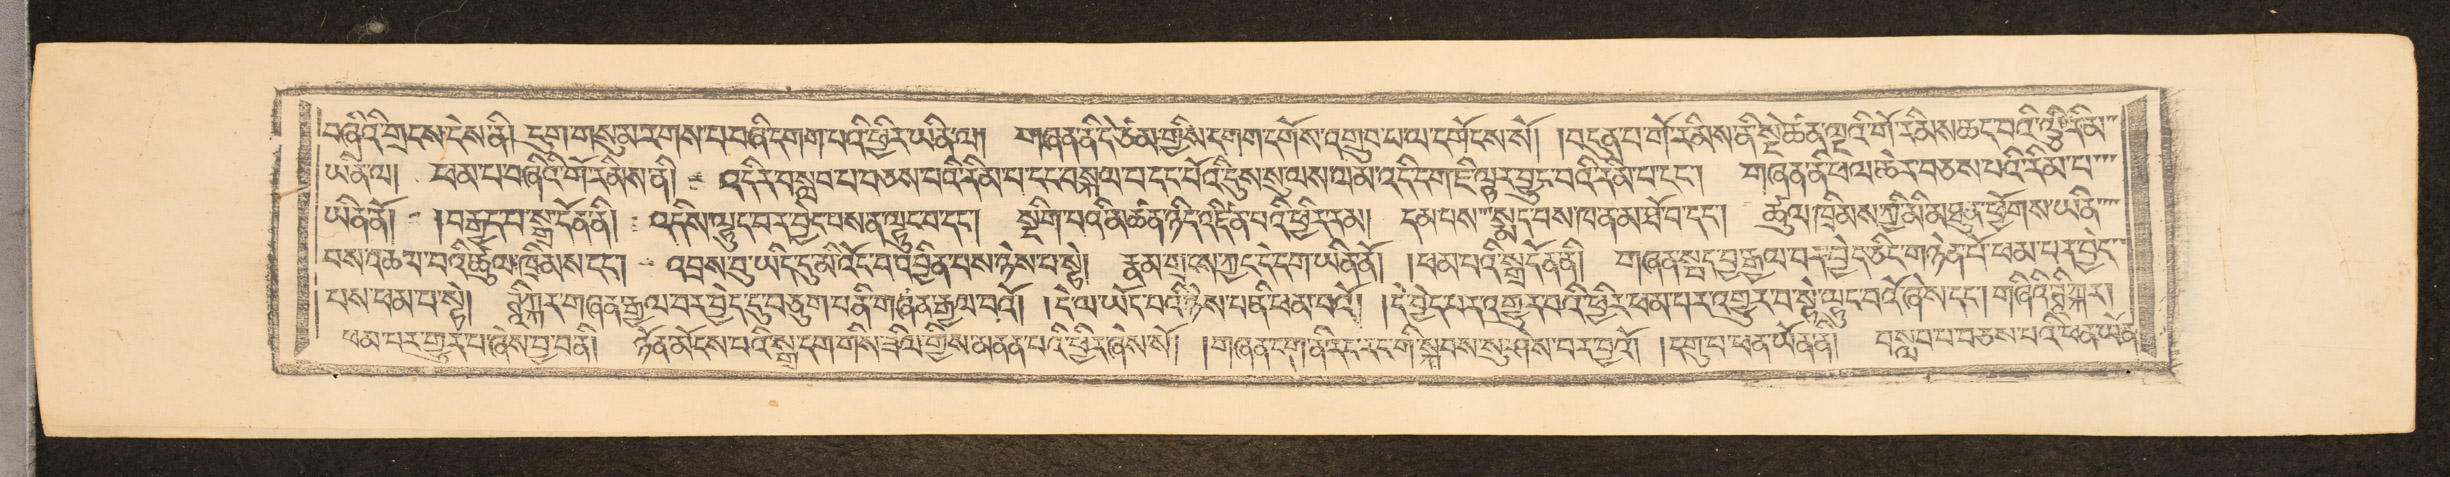བཞིའི་གྲངས་ངེས་ནི། དུག་གསུམ་རགས་པ་བཞི་དགག་པའི་ཕྱིར་ཡིན་ལ། གཞན་ནི་དེ་ཙམ་གྱིས་དགག་དགོས་འགྲུབ་པ་ལ་དགོངས་སོ། །བདུན་པ་གོ་རིམས་ནི་སྡེ་ཚན་ལྔའི་གོ་རིམས་ཆད་པའི་ལྕི་རིམ་
ཡིན་ལ། ཕམ་པ་བཞིའི་གོ་རིམས་ནི། འདིར་བསླབ་པ་བཅས་པའི་རིམ་པ་དང་བསྐལ་པ་དང་པོའི་དུས་སུ་ལས་ལམ་འདི་དག་ཇི་ལྟར་བྱུང་བའི་རིམ་པ་དང་། གཞན་ནི་ཕལ་ཆེར་བཅས་པའི་རིམ་པ་
ཡིན་ནོ། །བརྒྱད་པ་སྒྲ་དོན་ནི། འདིས་ལྟུང་བར་བྱེད་པས་ན་ལྟུང་བ་དང་། སྡིག་པའི་མཚན་ཉིད་འཛིན་པའི་ཕྱིར་རམ། དམ་པས་སྨད་པས་ཁ་ན་མ་ཐོབ་དང་། ཚུལ་ཁྲིམས་ཀྱི་མི་མཐུན་ཕྱོགས་ཡིན་
པས་འཆལ་པའི་ཚུལ་ཁྲིམས་དང་། འབྲས་བུ་ཡིད་དུ་མི་འོང་པ་འབྱིན་པས་ཉེས་པ་སྟེ། རྣམ་གྲངས་ཀྱང་དེ་དག་ཡིན་ནོ། །ཕམ་པའི་སྒྲ་དོན་ནི། གཞན་སྤང་བྱ་རྒྱལ་བར་བྱེད་ཅིང་གཉེན་པོ་ཕམ་པར་བྱེད་
པས་ཕམ་པ་སྟེ། ཊིཀྐར་གཞན་རྒྱལ་བར་བྱེད་དུ་བཅུག་པ་ནི་གཞན་རྒྱལ་བའོ། །དེ་ལ་ཡོད་པའི་ཉེས་པ་ནི་ཕམ་པའོ། །དེ་བྱེད་པར་འགྱུར་བའི་ཕྱིར་ཕམ་པར་འགྱུར་བ་སྟེ་ལྟུང་བའོ་ཞེས་དང་། གཞིའི་ཊཱིཀྐར།
ཕམ་པར་གྱུར་པ་ཞེས་བྱ་བ་ནི། ཉོན་མོངས་པའི་སྒྲ་དག་གིས་ཟིལ་གྱིས་མནན་པའི་ཕྱིར་ཞེས་སོ། །གཞན་དག་ནི་རང་རང་གི་སྐབས་སུ་ཤེས་པར་བྱའོ། །དགུ་པ་ཕན་ཡོན་ནི། བསླབ་པ་བཅས་པའི་ཕན་ཡོན་